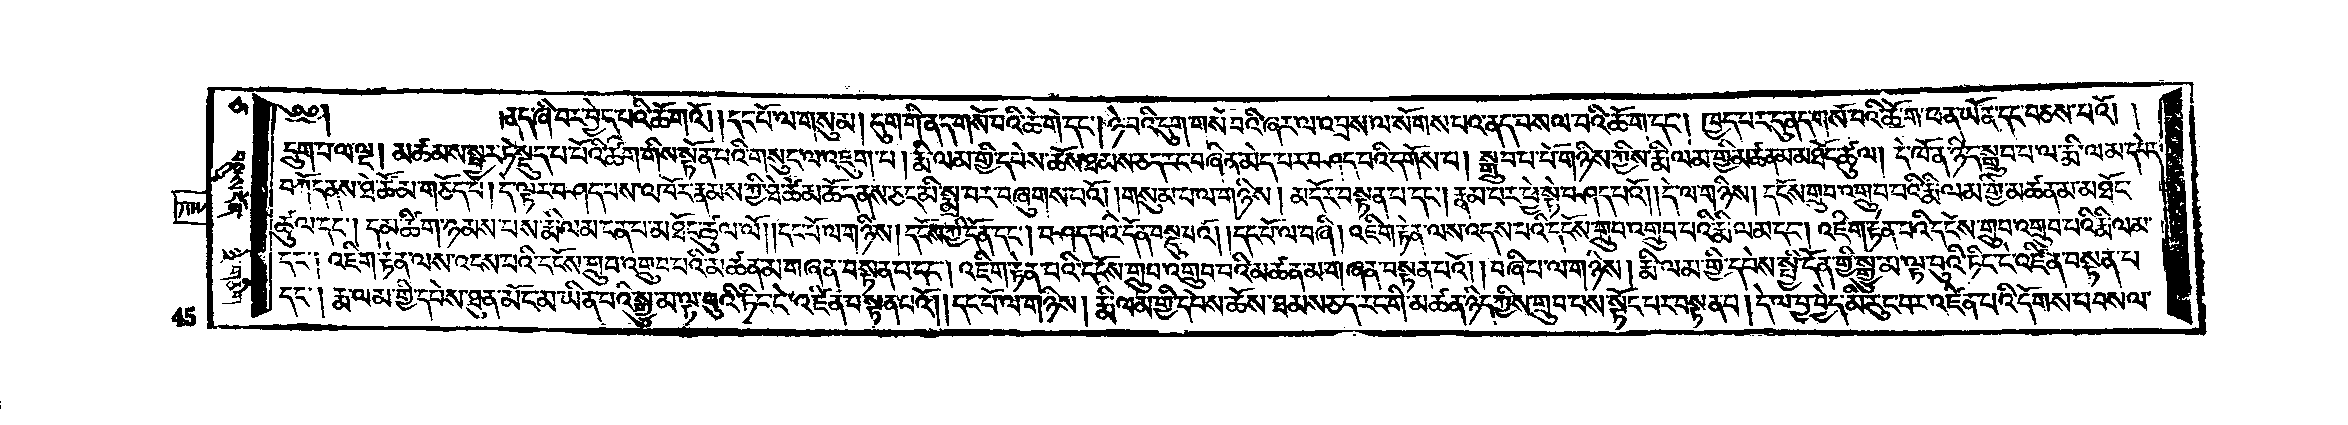༄༅། །ནད་ཞི་བར་བྱེད་པའི་ཆོ་གའོ། །དང་པོ་ལ་གསུམ། དུག་གི་ནད་གསོ་བའི་ཆོ་ག་དང་། ཉེ་བའི་དུག་གསོ་བའི་ཞར་ལ་འབྲས་ལ་སོགས་པའི་ནད་བསལ་བའི་ཆོ་ག་དང་། ཁྱད་པར་དུ་ནད་གསོ་བའི་ཆོ་ག་ཕན་ཡོན་དང་བཅས་པའོ། །
དྲུག་པ་ལ་ལྔ། མཚམས་སྦྱར་ཏེ་སྡུད་པ་པོའི་ཚིག་གིས་སྟོན་པའི་གསུང་ལ་འཇུག་པ། རྨི་ལམ་གྱི་དཔེས་ཆོས་ཐམས་ཅད་རང་བཞིན་མེད་པར་བཤད་པའི་དགོས་པ། སྒྲུབ་པ་པོ་གཉིས་ཀྱིས་རྨི་ལམ་གྱི་མཚན་མ་མཐོང་ཚུལ། དེ་ཁོ་ན་ཉིད་སྒྲུབ་པ་ལ་རྨི་ལམ་དཔེར་
བཀོད་ནས་ཐེ་ཚོམ་གཅོད་པ། དེ་ལྟར་བཤད་པས་འཁོར་རྣམས་ཀྱི་ཐེ་ཚོམ་ཆོད་ནས་ཅང་མི་སྨྲ་བར་བཞུགས་པའོ། །གསུམ་པ་ལ་གཉིས། མདོར་བསྟན་པ་དང་། རྣམ་པར་ཕྱེ་སྟེ་བཤད་པའོ། །དེ་ལ་གཉིས། དངོས་གྲུབ་འགྲུབ་པའི་རྨི་ལམ་གྱི་མཚན་མ་མཐོང་
ཚུལ་དང་། དམ་ཚིག་ཉམས་པས་རྨི་ལམ་ངན་པ་མཐོང་ཚུལ་ལོ། །དང་པོ་ལ་གཉིས། དངོས་ཀྱི་དོན་དང་། བཤད་པའི་དོན་བསྡུ་བའོ། །དང་པོ་ལ་བཞི། འཇིག་རྟེན་ལས་འདས་པའི་དངོས་གྲུབ་འགྲུབ་པའི་རྨི་ལམ་དང་། འཇིག་རྟེན་པའི་དངོས་གྲུབ་འགྲུབ་པའི་རྨི་ལམ་
དང་། འཇིག་རྟེན་ལས་འདས་པའི་དངོས་གྲུབ་འགྲུབ་པའི་མཚན་མ་གཞན་བསྟན་པ་དང་། འཇིག་རྟེན་པའི་དངོས་གྲུབ་འགྲུབ་པའི་མཚན་མ་གཞན་བསྟན་པའོ། །བཞི་པ་ལ་གཉིས། རྨི་ལམ་གྱི་དཔེས་སྤྱི་དོན་གྱི་སྒྱུ་མ་ལྟ་བུའི་ཏིང་ངེ་འཛིན་བསྟན་པ་
དང་། རྨི་ལམ་གྱི་དཔེས་ཐུན་མོང་མ་ཡིན་པའི་སྒྱུ་མ་ལྟ་བུའི་ཏིང་ངེ་འཛིན་བསྟན་པའོ། །དང་པོ་ལ་གཉིས། རྨི་ལམ་གྱི་དཔེས་ཆོས་ཐམས་ཅད་རང་གི་མཚན་ཉིད་ཀྱིས་གྲུབ་པས་སྟོང་པར་བསྟན་པ། དེ་ལ་བྱ་བྱེད་མི་རུང་བར་འཛིན་པའི་དོགས་པ་བསལ་